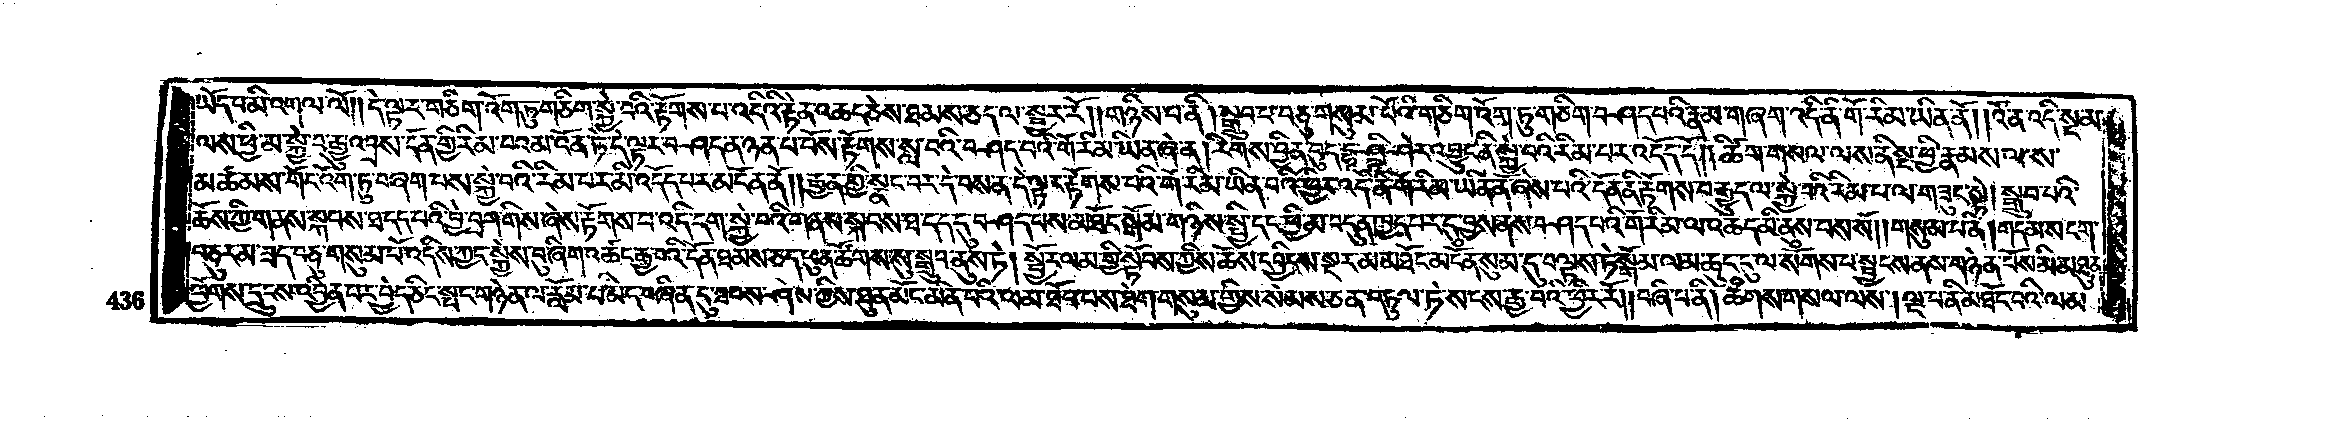ཡོད་པ་མི་འགལ་ལོ། །དེ་ལྟར་གཅིག་འོག་ཏུ་གཅིག་སྐྱེ་བའི་རྟོགས་པ་འདིའི་རྟེན་འཆད་ཅེས་ཐམས་ཅད་ལ་སྦྱར་རོ། །གཉིས་པ་ནི། སྒྲུབ་པ་བཅུ་གསུམ་པོའི་གཅིག་འོག་ཏུ་གཅིག་བཤད་པའི་རྣམ་གཞག་འདི་ནི་གོ་རིམ་ཡིན་ནོ། །འོ་ན་འདི་སྔ་མ་
ལས་ཕྱི་མ་སྐྱེ་བ་རྒྱུ་འབྲས་དོན་གྱི་རིམ་པའམ་འོན་ཏེ་དེ་ལྟར་བཤད་ན་ཉན་པ་པོས་རྟོགས་སླ་བའི་བཤད་པའི་གོ་རིམ་ཡིན་ཞེ་ན། རིགས་བྱིན་བུད་དྷཱ་ཤྲཱི་ཤེར་འབྱུང་ནི་སྐྱེ་བའི་རིམ་པར་འདོད་དོ། །ཚིག་གསལ་ལས་ནི་སྔ་ཕྱི་རྣམས་ལ་ས་
མཚམས་གོང་འོག་ཏུ་བཞག་པས་སྐྱེ་བའི་རིམ་པར་མི་འདོད་པར་མངོན་ནོ། །རྒྱན་གྱི་སྣང་བར་དེ་བས་ན་དེ་ལྟར་རྟོགས་པའི་གོ་རིམ་ཡིན་པའི་ཕྱིར་འདི་ནི་གོ་རིམ་ཡིན་ནོ་ཞེས་པའི་དོན་ནི་རྟོགས་པ་རྒྱུད་ལ་སྐྱེ་བའི་རིམ་པ་ལ་གཟུང་སྟེ། སྒྲུབ་པའི་
ཆོས་ཀྱི་གནས་སྐབས་ཐ་དད་པའི་བྱེ་བྲག་གིས་ཞེས་རྟོགས་པ་འདི་དག་སྐྱེ་བའི་གནས་སྐབས་ཐ་དད་དུ་བཤད་པས་མཐོང་སྒོམ་གཉིས་སྤྱི་དང་ཕྱི་མ་བདུན་ཁྱད་པར་དུ་བྱས་ནས་བཤད་པའི་གོ་རིམ་ལ་འཆད་མི་ནུས་པས་སོ། །གསུམ་པ་ནི། གདམས་ངག་
བཅུར་མི་ཟད་བཅུ་གསུམ་པོ་འདིས་ཀྱང་སྐྱེས་བུ་ཞིག་འཚང་རྒྱ་བའི་དོན་ཐམས་ཅད་ཕུན་ཚོགས་སུ་སྒྲུབ་ནུས་ཏེ། སྦྱོར་ལམ་གྱི་སྟོབས་ཀྱིས་ཆོས་དབྱིངས་སྔར་མ་མཐོང་མངོན་སུམ་དུ་བལྟས་ཏེ་སྒོམ་ལམ་ཆུང་ངུ་ལ་སོགས་པ་སྦྱངས་ནས་གཉེན་པོས་མི་མཐུན་
ཕྱོགས་དྲུངས་འབྱིན་པར་བྱེད་ཅིང་སྤང་གཉེན་ལ་རློམ་པ་མེད་བཞིན་དུ་ཐབས་ཤེས་ཀྱིས་ཐུན་མོང་མིན་པའི་ལམ་ཐོབ་པས་ཐེག་གསུམ་གྱིས་སེམས་ཅན་བཏུལ་ཏེ་སངས་རྒྱ་བའི་ཕྱིར་རོ། །བཞི་པ་ནི། ཚིགས་གསལ་ལས། ལྔ་པ་ནི་མཐོང་བའི་ལམ་